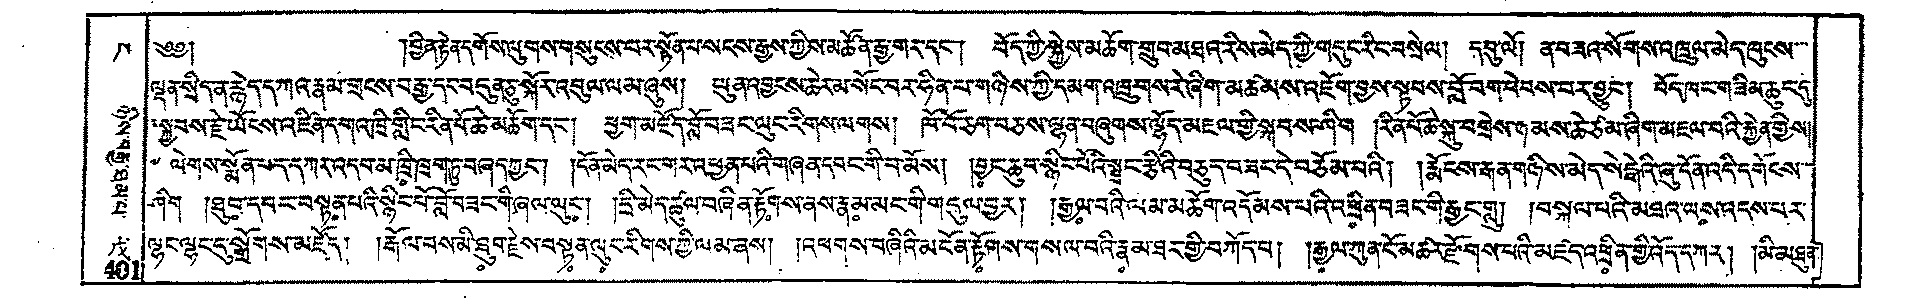༄༅། །བྱིན་རྟེན་དགོས་ལུགས་གསུངས་པར་སྟོན་པ་སངས་རྒྱས་ཀྱིས་མཚོན་རྒྱ་གར་དང་། བོད་ཀྱི་སྐྱེས་མཆོག་གྲུབ་མཐའ་རིས་མེད་ཀྱི་གདུང་རིང་བསྲེལ། དབུ་ལོ། ན་བཟའ་སོགས་འཁྲུལ་མེད་ཁུངས་
ལྡན་སྲིད་ན་རྙེད་དཀའ་རྣམ་གྲངས་བརྒྱ་དང་བདུན་ཅུ་སྐོར་འབུལ་ལམ་ཞུས། ཡུན་འགྱངས་ཆེར་མ་སོང་བར་ཧིན་པ་གཉིས་ཀྱི་དམག་འཁྲུགས་རེ་ཞིག་མཚམས་འཇོག་བྱས་སྟབས་བློ་བག་ཕེབས་པར་བྱུང་། བོད་ཁང་གཟིམ་ཆུང་དུ་
༧སྐྱབས་རྗེ་ཡོངས་འཛིན་དགའ་ཁྲི་གླིང་རིན་པོ་ཆེ་མཆོག་དང་། ཕྱག་མཛོད་བློ་བཟང་ལུང་རིགས་ལགས། ཁོ་བོ་ཅག་བཅས་ལྷན་བཞུགས་ལྷོད་མཇལ་གྱི་སྐབས་ཤིག །རིན་པོ་ཆེ་སྐུ་བགྲེས་ཉམས་ཆེ་ཙམ་ཞིག་མཇལ་བའི་རྐྱེན་གྱིས།
༧ལེགས་སྨོན་པད་དཀར་འདབ་མ་ཁྲི་ཁྲག་ཏུ་བཞད་ཀྱང་། །དོན་མེད་རང་གར་འཕྱན་པའི་གཞན་དབང་གི་བ་མོས། །བྱང་ཆུབ་སྙིང་པོའི་སྦྲང་རྩིའི་བཅུད་བཟང་དེ་བཅོམ་པའི། །རྨོངས་རྒན་གཉིས་མེད་སེངྒེའི་ཞུ་དོན་འདི་དགོངས་
ཤིག །ཐུབ་དབང་བསྟན་པའི་སྙིང་པོ་བློ་བཟང་གི་ཞལ་ལུང་། །དྲི་མེད་ཚུལ་བཞིན་རྟོགས་ནས་རྣམ་མང་གི་གདུལ་བྱར། །རྒྱལ་བའི་ལམ་མཆོག་འདོམས་པའི་འཕྲིན་བཟང་གི་རྒྱང་གླུ། །བསྐལ་པའི་མཐའ་ལས་འདས་པར་
ལྷང་ལྷང་དུ་སྒྲོགས་མཛོད། །རྒོལ་བས་མི་ཐུབ་རྗེས་བསྟན་ལུང་རིགས་ཀྱི་ལམ་ནས། །འཕགས་བཞིའི་མངོན་རྟོགས་གསལ་བའི་རྣམ་ཐར་གྱི་བཀོད་པ། །རྒྱལ་ཀུན་ངོ་མཚར་རྫོགས་པའི་མཛད་འཕྲིན་གྱི་འོད་དཀར། །མི་མཐུན་